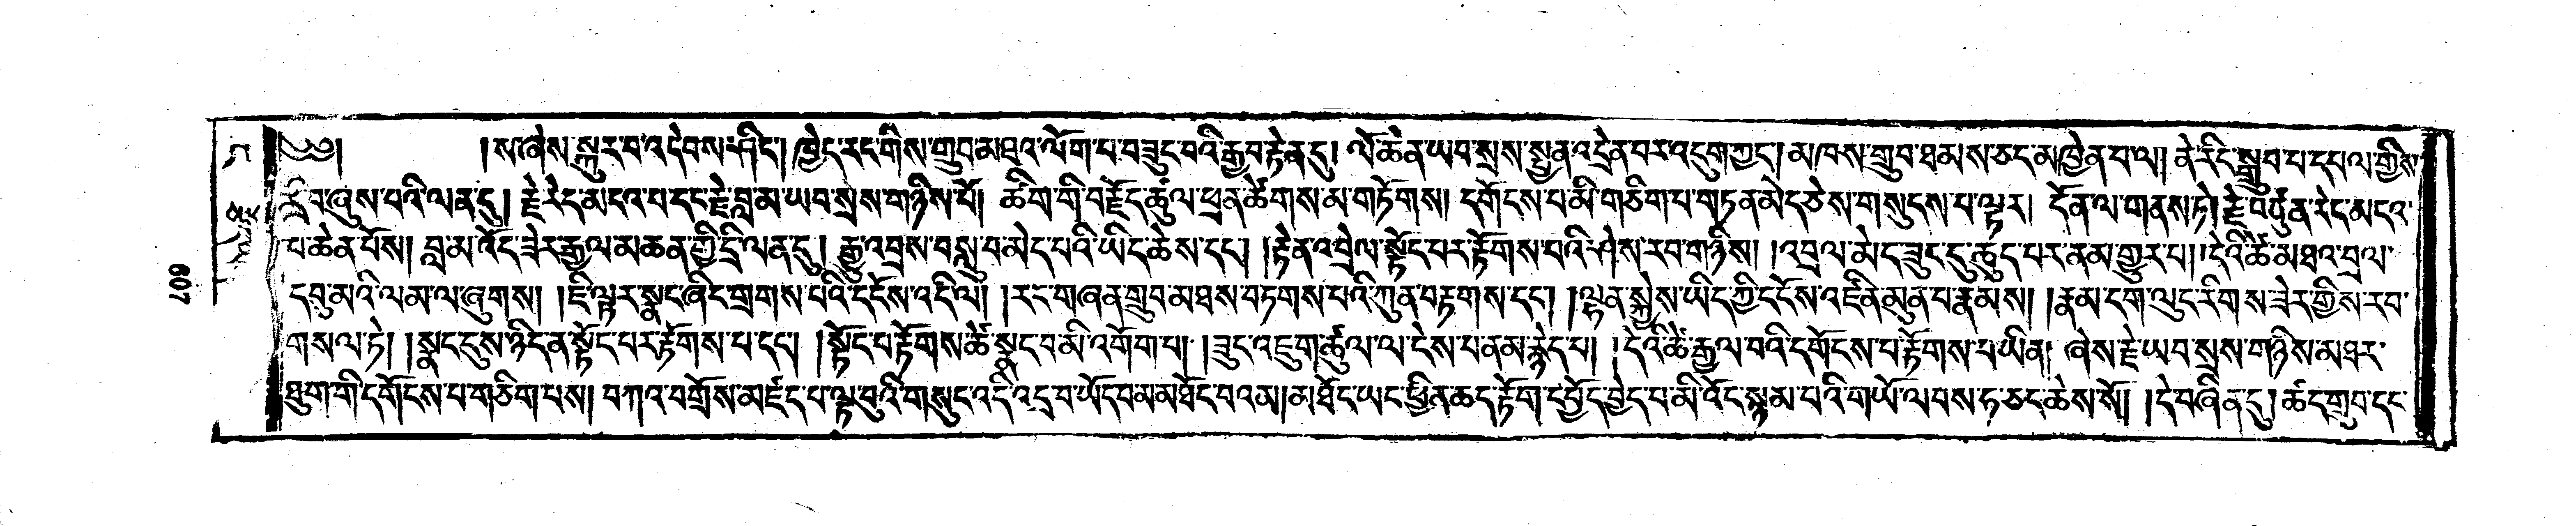༄༅། །སོ་ཞེས་སྐུར་བ་འདེབས་ཤིང་། ཁྱེད་རང་གིས་གྲུབ་མཐའ་ལོག་པ་བཟུང་བའི་རྒྱབ་རྟེན་དུ། ལོ་ཆེན་ཡབ་སྲས་སྤྱན་འདྲེན་པར་འདུག་ཀྱང་། མཁས་གྲུབ་ཐམས་ཅད་མཁྱེན་པ་ལ། ནེ་རིང་སྒྲུབ་པ་དཔལ་གྱིས་
དྲི་བ་ཞུས་པའི་ལན་དུ། རྗེ་རེད་མདའ་བ་དང་རྗེ་བླ་མ་ཡབ་སྲས་གཉིས་པོ། ཚིག་གི་བརྗོད་ཚུལ་ཕྲན་ཚེགས་མ་གཏོགས། དགོངས་པ་མི་གཅིག་པ་གཏན་མེད་ཅེས་གསུངས་པ་ལྟར། དོན་ལ་གནས་ཏེ། རྗེ་བཙུན་རེད་མདའ་
བ་ཆེན་པོས། བླ་མ་འོད་ཟེར་རྒྱལ་མཚན་གྱི་དྲི་ལན་དུ། རྒྱུ་འབྲས་བསླུ་བ་མེད་པའི་ཡིད་ཆེས་དང་། །རྟེན་འབྲེལ་སྟོང་པར་རྟོགས་པའི་ཤེས་རབ་གཉིས། །འབྲལ་མེད་ཟུང་དུ་ཆུད་པར་ནམ་གྱུར་པ། །དེའི་ཚེ་མཐའ་བྲལ་
དབུ་མའི་ལམ་ལ་ཞུགས། །ཇི་ལྟར་སྣང་ཞིང་གྲགས་པའི་དངོས་འདི་ལ། །རང་གཞན་གྲུབ་མཐས་བཏགས་པའི་ཀུན་བརྟགས་དང་། །ལྷན་སྐྱེས་ཡིད་ཀྱི་དངོས་འཛིན་མུན་པ་རྣམས། །རྣམ་དག་ལུང་རིགས་ཟེར་གྱིས་རབ་
གསལ་ཏེ། །སྣང་དུས་ཉིད་ན་སྟོང་པར་རྟོགས་པ་དང་། །སྟོང་པ་རྟོགས་ཚེ་སྣང་བ་མི་འགོག་པ། །ཟུང་འཇུག་ཚུལ་ལ་ངེས་པ་ནམ་རྙེད་པ། །དེའི་ཚེ་རྒྱལ་བའི་དགོངས་པ་རྟོགས་པ་ཡིན། ཞེས་རྗེ་ཡབ་སྲས་གཉིས་མཐར་
ཐུག་གི་དགོངས་པ་གཅིག་པས། བཀའ་བགྲོས་མཛད་པ་ལྟ་བུའི་གསུང་འདི་འདྲ་བ་ཡོད་པ་མ་མཐོང་བའམ། མཐོང་ཡང་ཕྱིན་ཆད་རྟོག་དཔྱོད་བྱེད་པ་མི་འོང་སྙམ་པའི་གཡོ་ལབས་ཧ་ཅང་ཆེས་སོ། །དེ་བཞིན་དུ། ཚད་གྲུབ་དང་